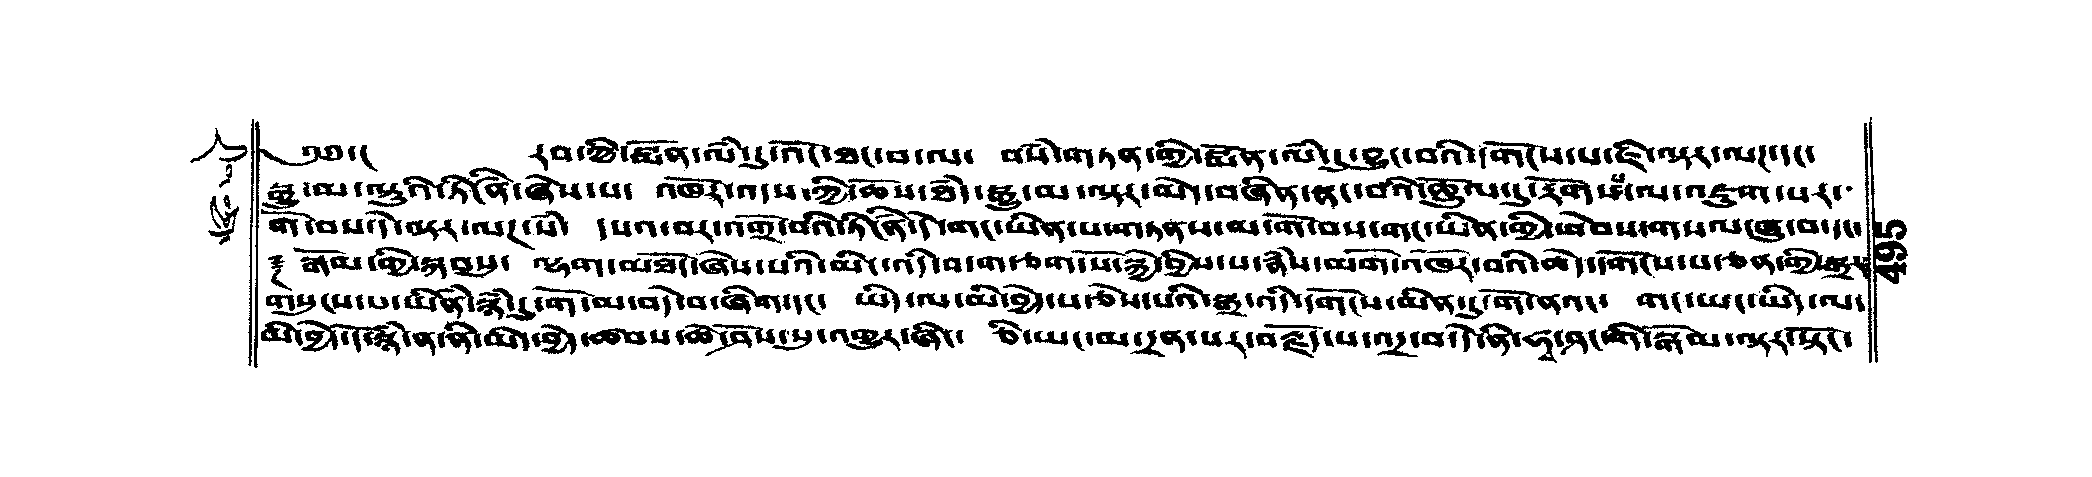རབ་ཀྱི་སྨོན་ལམ་དུ་འོང་ཐང་བ་ལ། བསམ་གཏན་གྱི་སྨོན་ལམ་དུ་བྱུང་བའི་དགོངས་པ་ཇི་ལྟར་ལགས་དང་
སྒྱུ་མ་ལྟ་བུའི་ཏིང་འཛིན་ཞེས་པ། འཁོར་འདས་ཀྱི་ཆོས་ཐམས་ཅད་སྒྱུ་མ་ལྟར་མེད་བཞིན་སྣང་བའི་ཆོ་འཕྲུལ་དུ་རྟོགས་པ་ལ་འཇུག་པར་
གོ་བས་དེ་ལྟར་ལགས་སམ། དཔའ་བར་འགྲོ་བའི་ཏིང་འཛིན་དེ་གང་ཡིན་པ་གཏན་ནས་མ་གོ་བས་གང་ཡིན་གྱི་ཕེབས་གསལ་ཞུ་བ་དང་། 
སྒོམ་གྱི་སྐབས་སུ། ལྷག་མཐོང་ཞེས་པའི་མིང་འདི་བདག་ཅག་སོ་སྐྱེ་བྱིས་པ་རྣམས་མགོ་འཁོར་བའི་ཆེད་དགོངས་པ་ཅན་གྱི་སྒྲར་
གསུངས་པ་ཡིན་ནམ་སྙམ་དུ་གོ་མ་བདེ་བ་ཞིག་དང་། ཡིད་ལ་མི་བྱེད་པ་ཞེས་པའི་སྒྲ་འདི་དགོངས་མིན་དུ་གོ་ནའང་། གང་ཡང་ཡིད་ལ་
མི་བྱེད་དོ་སྙམ་ན་ནི་ཡིད་བྱེད་ཚབས་ཆེ་ཤོས་སུ་འགྱུར་ཞིང་། ཅི་ཡང་མ་དྲན་པར་བརྗོད་པ་འདྲ་བ་དེ་ནི་ཧྭ་ཤང་གི་སྒོམ་ལྟར་སྟོང་